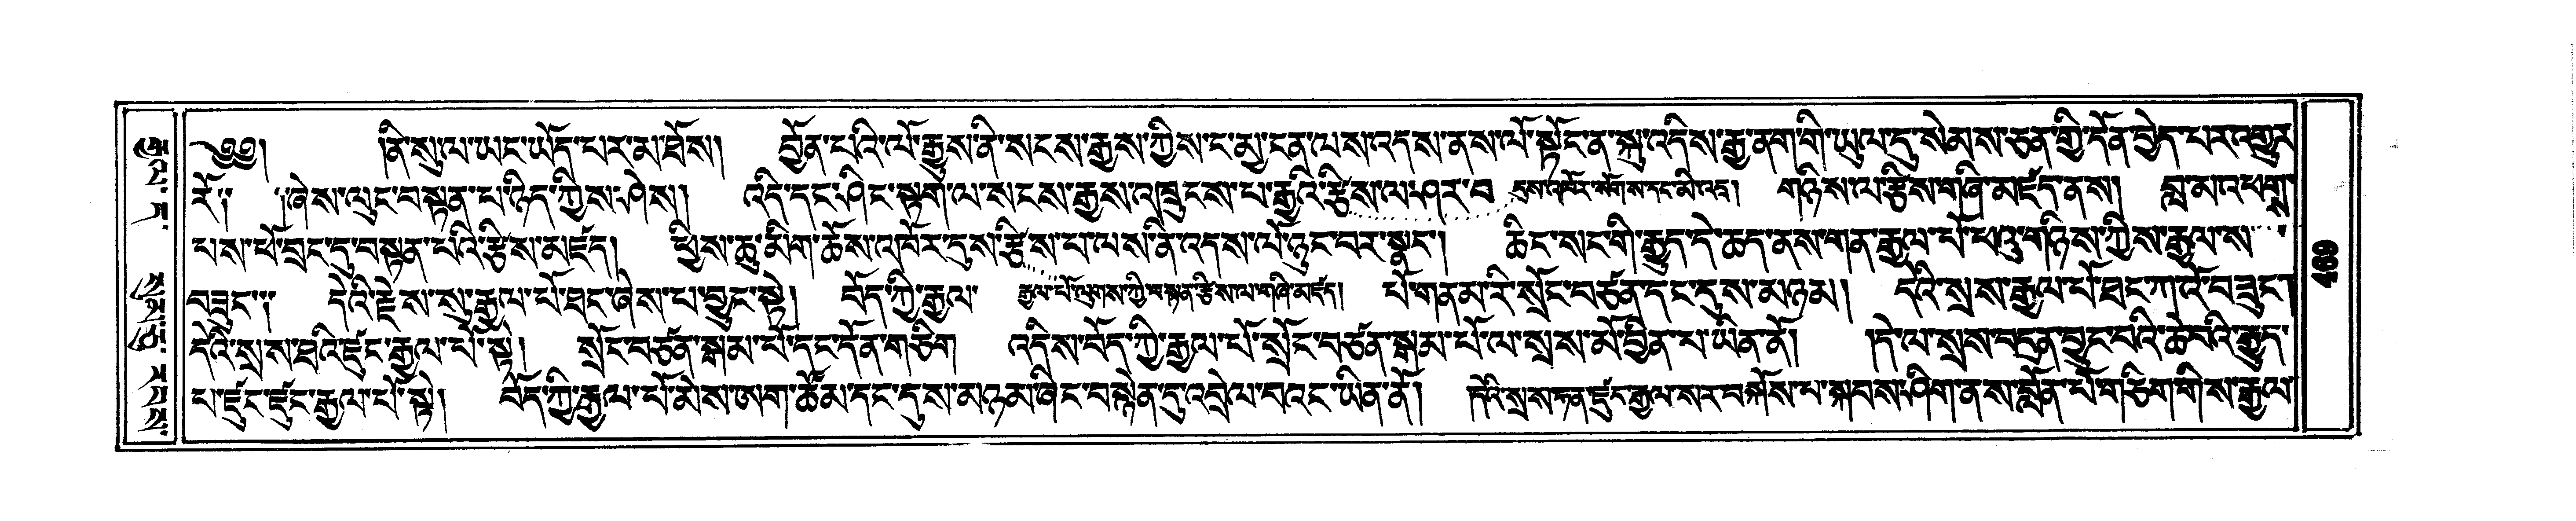༄༅། །ནི་སུ་ལ་ཡང་ཡོད་པར་མ་ཐོས། བྱོན་པའི་ལོ་རྒྱུས་ནི་སངས་རྒྱས་ཀྱིས་ང་མྱ་ངན་ལས་འདས་ནས་ལོ་སྟོང་ན་སྐུ་འདིས་རྒྱ་ནག་གི་ཡུལ་དུ་སེམས་ཅན་གྱི་དོན་བྱེད་པར་འགྱུར་
རོ༑ ༑ཞེས་ལུང་བསྟན་པ་ཉིད་ཀྱིས་ཤེས། འདི་དང་ཤིང་སྟག་ལ་སངས་རྒྱས་འཁྲུངས་པ་རྒྱའི་རྩིས་ལ་ཤར་བ་དུས་འཁོར་སོགས་དང་མི་འདྲ།  གཉིས་ལ་རྩིས་གཞི་མཛད་ནས། བླ་མ་འཕགས་
པས་ཕོ་བྲང་དུ་བསྟན་པའི་རྩིས་མཛད། ཕྱིས་ཆུ་མིག་ཆོས་འཁོར་དུས་རྩིས་པ་ལས་ནི་འདས་ལོ་ཉུང་བར་སྣང་། ཆིང་སང་གི་རྒྱུད་དེ་ཆད་ནས་གན་རྒྱལ་པོ་ཕའུ་གཉིས་ཀྱིས་རྒྱལ་ས་
བཟུང༑ དེའི་རྗེས་སུ་རྒྱལ་པོ་ཐང་ཞེས་པ་བྱུང་སྟེ། བོད་ཀྱི་རྒྱལ་རྒྱལ་པོ་ལུགས་ཀྱི་བསྟན་རྩིས་ལ་གཞི་མཛད།  པོ་གནམ་རི་སྲོང་བཙན་དང་དུས་མཉམ། དེའི་སྲས་རྒྱལ་པོ་ཐང་ཀ་འོ་བཟུང་།
དེའི་སྲས་ཐའི་ཛུང་རྒྱལ་པོ་སྟེ། སྲོང་བཙན་སྒམ་པོ་དང་དོན་གཅིག་འདིས་བོད་ཀྱི་རྒྱལ་པོ་སྲོང་བཙན་སྒམ་པོ་ལ་སྲས་མོ་བྱིན་པ་ཡིན་ནོ། །དེ་ལ་སྲས་བདུན་བྱུང་བའི་ཆེ་བའི་རྒྱུད་
པ་ཛུང་ཛུང་རྒྱལ་པོ་སྟེ། བོད་ཀྱི་རྒྱལ་པོ་མེས་ཨག་ཚོམ་དང་དུས་མཉམ་ཞིང་བསྙེན་དུ་འབྲེལ་བའང་ཡིན་ནོ། །དེའི་སྲས་ཧན་ཛུང་རྒྱལ་སར་བསྐོས་པ་སྐབས་ཤིག་ནས་བློན་པོ་གཅིག་གིས་རྒྱལ་